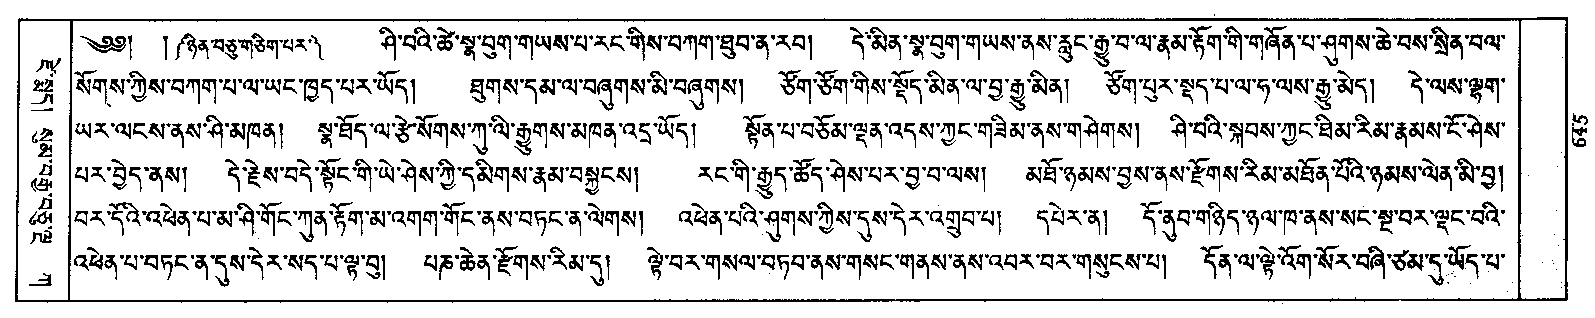༄༅། །ཉིན་བཅུ་གཅིག་པར྄་ཤི་བའི་ཚེ་སྣ་བུག་གཡས་པ་རང་གིས་བཀག་ཐུབ་ན་རབ། དེ་མིན་སྣ་བུག་གཡས་ནས་རླུང་རྒྱུ་བ་ལ་རྣམ་རྟོག་གི་གཞོན་པ་ཤུགས་ཆེ་བས་སྲིན་བལ་
སོགས་ཀྱིས་བཀག་པ་ལ་ཡང་ཁྱད་པར་ཡོད། ཐུགས་དམ་ལ་བཞུགས་མི་བཞུགས། ཙོག་ཙོག་གིས་སྡོད་མིན་ལ་བྱ་རྒྱུ་མིན། ཙོག་པུར་སྡད་པ་ལ་ཧ་ལས་རྒྱུ་མེད། དེ་ལས་ལྷག་
ཡར་ལངས་ནས་ཤི་མཁན། སྣ་ཐོད་ལ་རྩེ་སོགས་ཀུ་ལི་རྒྱུགས་མཁན་འདྲ་ཡོད། སྟོན་པ་བཅོམ་ལྡན་འདས་ཀྱང་གཟིམ་ནས་གཤེགས། ཤི་བའི་སྐབས་ཀྱང་ཐིམ་རིམ་རྣམས་ངོ་ཤེས་
པར་བྱེད་ནས། དེ་རྗེས་བདེ་སྟོང་གི་ཡེ་ཤེས་ཀྱི་དམིགས་རྣམ་བསྐྱངས། རང་གི་རྒྱུད་ཚོད་ཤེས་པར་བྱ་བ་ལས། མཐོ་ཉམས་བྱས་ནས་རྫོགས་རིམ་མཐོན་པོའི་ཉམས་ལེན་མི་བྱ།
བར་དོའི་འཕེན་པ་མ་ཤི་གོང་ཀུན་རྟོག་མ་འགག་གོང་ནས་བཏང་ན་ལེགས། འཕེན་པའི་ཤུགས་ཀྱིས་དུས་དེར་འགྲུབ་པ། དཔེར་ན། དོ་ནུབ་གཉིད་ཉལ་ཁ་ནས་སང་སྔ་བར་ལྡང་བའི་
འཕེན་པ་བཏང་ན་དུས་དེར་སད་པ་ལྟ་བུ། པཎ་ཆེན་རྫོགས་རིམ་དུ། ལྟེ་བར་གསལ་བཏབ་ནས་གསང་གནས་ནས་འབར་བར་གསུངས་པ། དོན་ལ་ལྟེ་འོག་སོར་བཞི་ཙམ་དུ་ཡོད་པ་